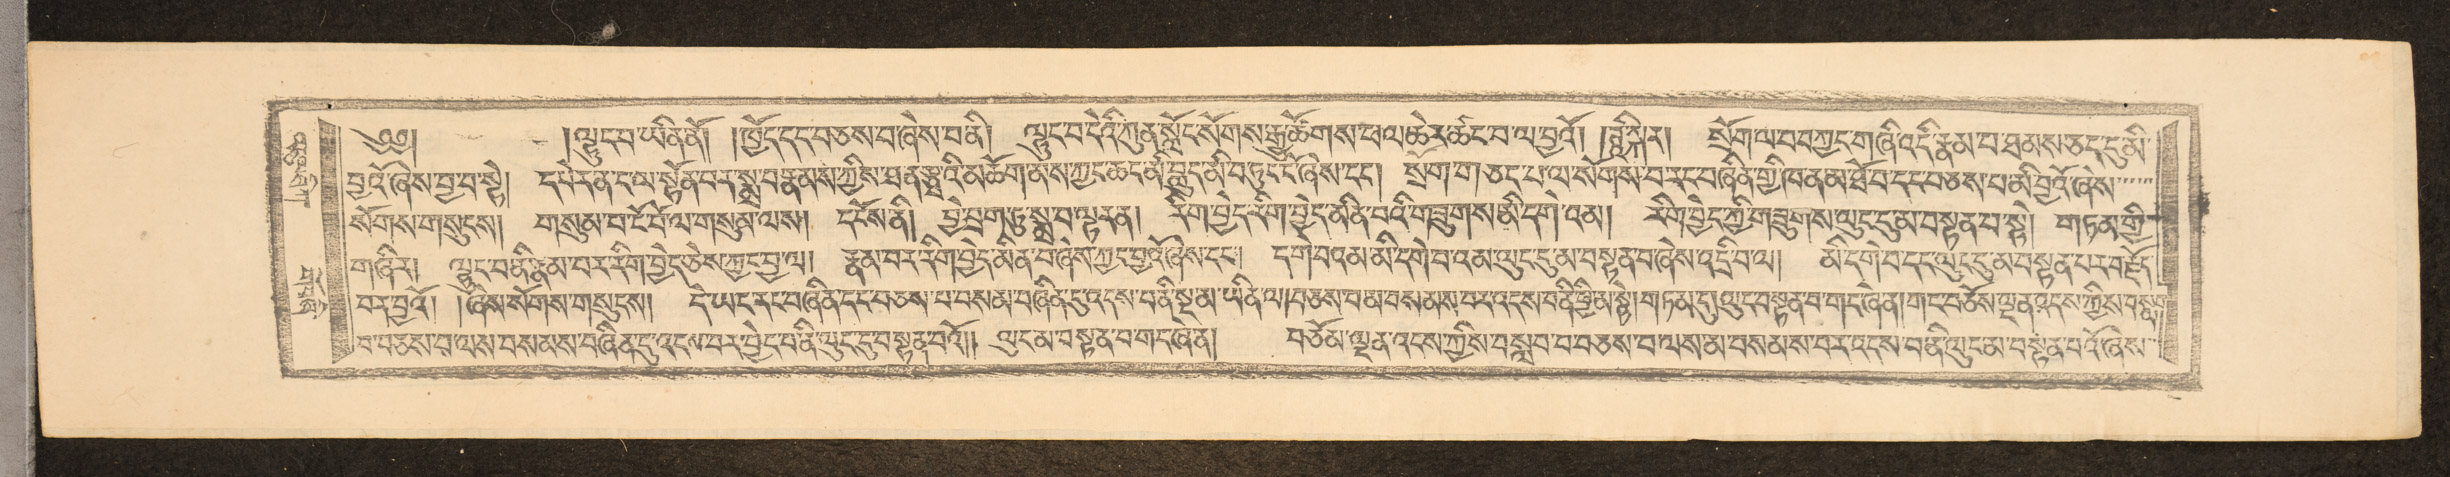༄༅། །ལྟུང་བ་ཡིན་ནོ། །ཁྱོད་དང་བཅས་པ་ཞེས་བ་ནི། ལྟུང་བ་དེའི་ཀུན་སློང་སོགས་རྒྱུ་ཚོགས་ཕལ་ཆེར་ཚང་བ་ལ་བྱའོ། །ཊཱིཀྐར། སྲོག་ལ་བབ་ཀྱང་གཞི་འདི་རྣམ་པ་ཐམས་ཅད་དུ་མི་
བྱའོ་ཞེས་བྱ་བ་སྟེ། དཔེར་ན་ང་ལ་སྟོན་པར་སྨྲང?་རྣམས་ཀྱིས་ཐ་ན་རྩྭའི་མཆོག་མས་ཀྱང་ཆང་མི་བླུད་མི་བཏུང་ངོ་ཞེས་དང་། སྲོག་གཅོད་པ་ལ་སོགས་པ་རང་བཞིན་གྱི་ཁ་ན་མ་ཐོ་བ་དང་བཅས་པ་མི་བྱའོ་ཞེས་
སོགས་གསུངས། གསུམ་པ་ངོ་བོ་ལ་གསུམ་ལས། དངོས་ནི། བྱེ་བྲག་ཏུ་སྨྲ་བ་ལྟར་ན། རིག་བྱེད་རིག་བྱེད་མིན་པའི་གཟུགས་མི་དགེ་འམ། རིག་བྱེད་ཀྱི་གཟུགས་ལུང་དུ་མ་བསྟན་པ་སྟེ། གཏམ་གྱི་
གཞིར། ལྟུང་བ་ནི་རྣམ་པར་རིག་བྱེད་ཅེས་ཀྱང་བྱ་ལ། རྣམ་པར་རིག་བྱེད་མིན་པ་ཞེས་ཀྱང་བྱའོ་ཞེས་དང་། དགེ་བའམ་མི་དགེ་བའམ་ལུང་དུ་མ་བསྟན་པ་ཞེས་འདྲི་བ་ལ། མི་དགེ་བ་དང་ལུང་དུ་མ་བསྟན་པར་བརྗོད་
བར་བྱའོ། །ཞེས་སོགས་གསུངས། དེ་ཡང་རང་བཞིན་དང་བཅས་པ་བསམ་བཞིན་དུ་འདས་པ་ནི་སྔ་མ་ཡིན་ལ། བཅས་པ་མ་བསམས་པར་འདས་པ་ནི་ཕྱི་མ་སྟེ། གཏམ་དུ། ལུང་བསྟན་པ་གང་ཞེ་ན། གང་བཅོམ་ལྡན་འདས་ཀྱིས་བསླབ་
པ་བཅས་པ་ལས་བསམས་བཞིན་དུ་འདའ་བར་བྱེད་པ་ནི་ལུང་དུ་བསྟན་པའོ།། ལུང་མ་བསྟན་པ་གང་ཞེ་ན། བཅོམ་ལྡན་འདས་ཀྱིས་བསླབ་པ་བཅས་པ་ལས་མ་བསམས་པར་འདས་པ་ནི་ལུང་མ་བསྟན་པའོ་ཞེས་